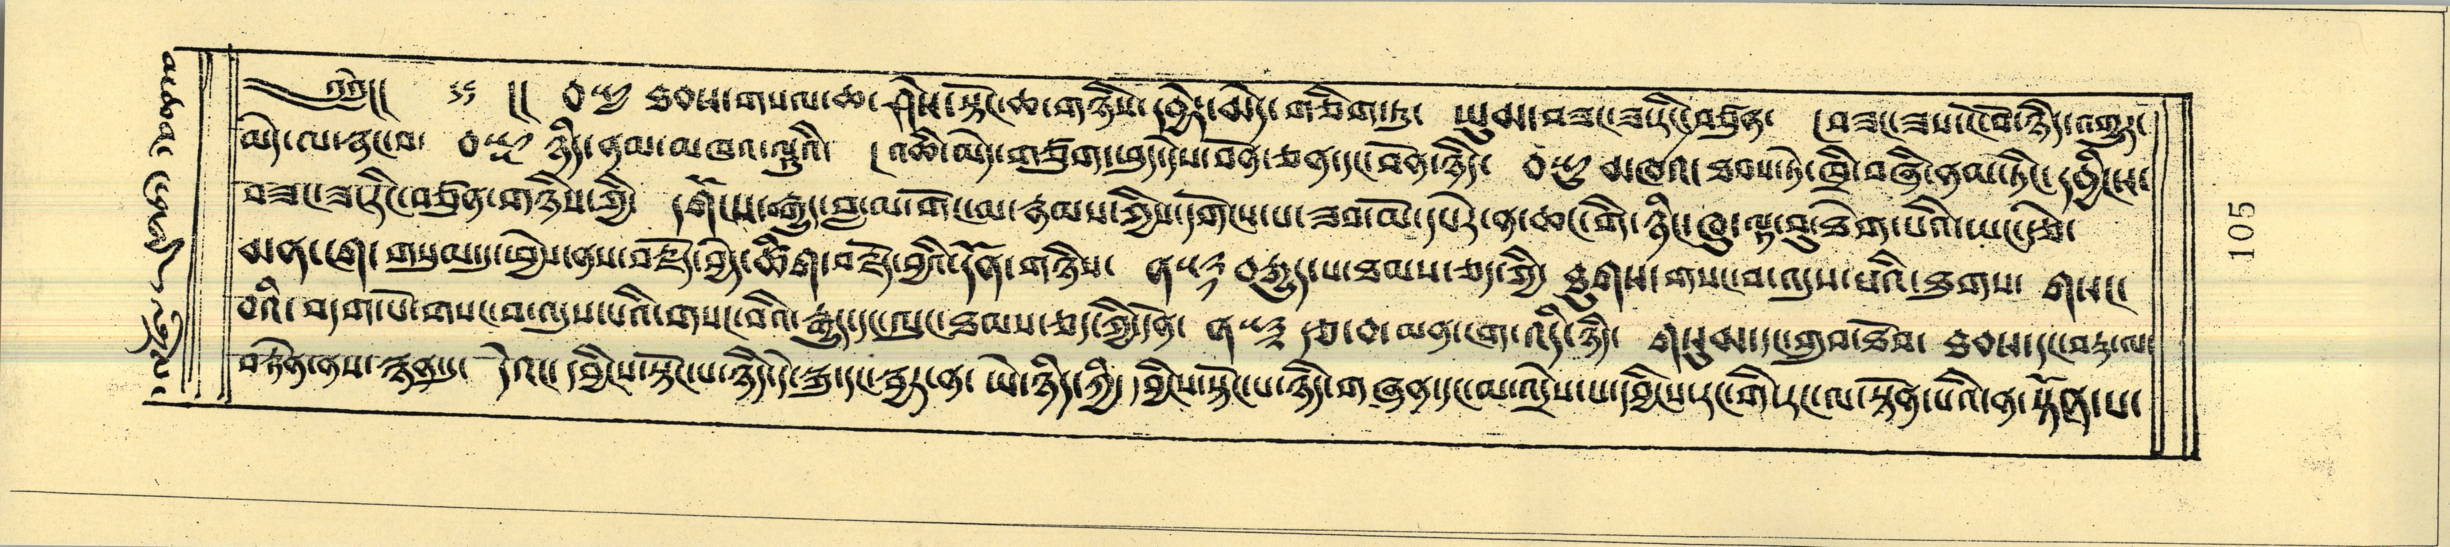བ༥༡།༤ ཐབས་གསལ་ཆ་ཤེས་སྟོང་ཆ་གཉིས་དབྱེར་མེད་གཅིག་ཏུ་ ཡུམ་བཟང་ཟ་རིང་བཙུན་ བཟང་ཟས་ངོ་བོ་ཉིད་འགྱུར་
བ་མེད་ལ་སྣང་བ་ བ༥༡།༥ཉིད་ནམ་མཁའ་ལྟ་བུའི་ འཆི་མེད་གཙུག་ཕུད་དེས་བོན་ཅན་དང་བོན་ཉིད་ བ༥༡།༦མཁའ་ཐབས་ཏེ་ཁྲི་བཞི་ནམ་ཏིང་དབྱིངས་
བཟང་ཟ་རིང་བཙུན་གཉིས་ཀྱིས་ དགོངས་བརྒྱུད་བླ་མ་གོང་མ་རྣམས་ཀྱིས་དགོངས་པ་ཟབ་མོ་དཔེར་ན་ཆང་གི་ཉིང་ཁུ་ལྟ་བུ་ཐེག་པའི་ཡང་རྩེ་
མན་ངག་གསུམ་དུ་ཕྱེས་ནས་རྗོད་བྱེད་ཚིག་བརྗོད་བྱའི་དོན་གཉིས་ ན༥༢།༡༼བརྒྱུད་པ༽ཐམས་ཅད་ཀྱི་༼ཐུགས༽གསང་བ་འདུས་པའི་ཐུགས་ གསང་
བའི་བདག་པོ་གསང་བ་འདུས་པའི་གསང་བའི་རྒྱུད་དང་ལུང་ཐམས་ཅད་ཀྱི་དོན་ ན༥༢།༢རྩ་བ་མན་ངག་འདིནཉིད་ གསུམ་དང་གྲུབ་ཐོབ་ཐབས་དང་བརྡ་ལ་
བརྟེན་ནས་སྙན་དུ་ དེའང་དབྱིངས་སྟོང་པ་ཉིད་དེ་སྐུ་དང་སྦྱར་ན་ ཡེ་ཉིད་ཀྱི་དབྱིངས་སྟོང་པ་ཉིད་གཞན་དང་མ་འདྲེས་པ་དབྱིངས་རང་གིས་རང་ལ་སྟོན་པའི་ན་སྟོན་པ